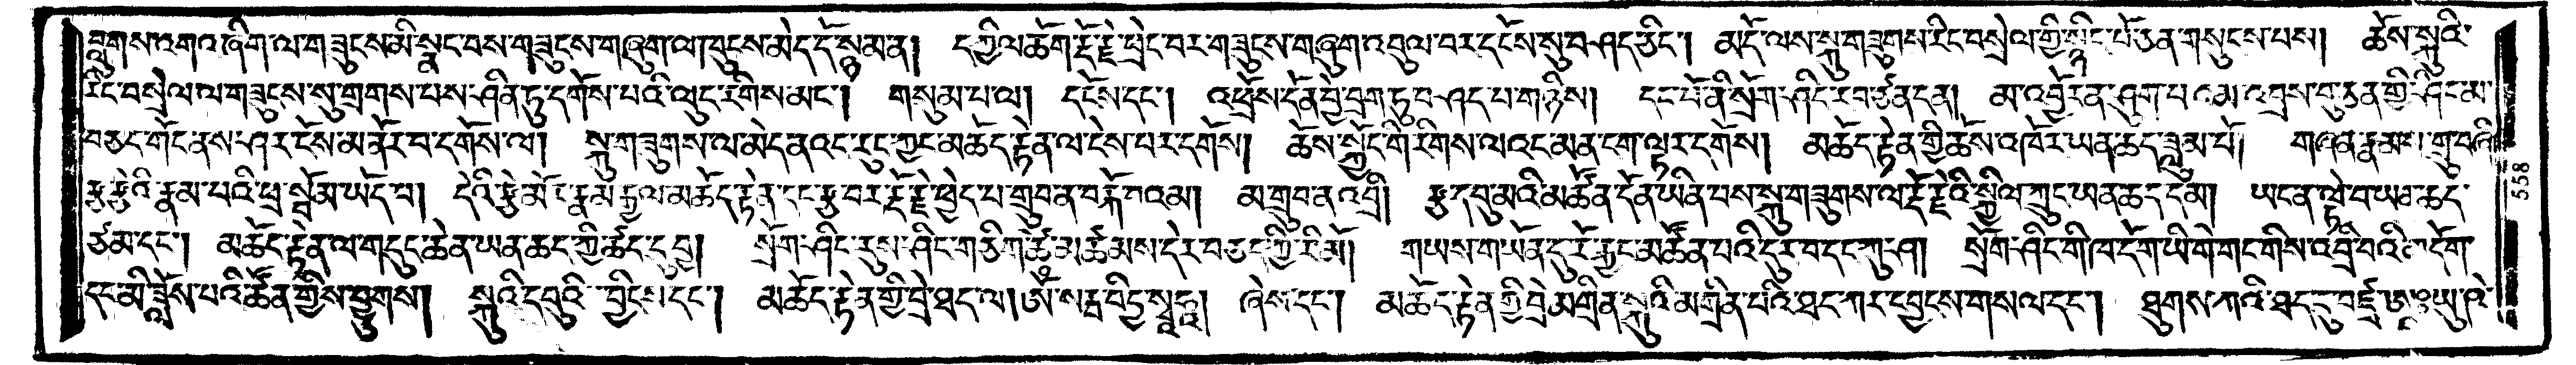བླུགས་འགའ་ཞིག་ལ་གཟུངས་མི་སྣང་བས་གཟུངས་གཞུག་ལ་ཁུངས་མེད་དོ་སྙམ་ན། དཀྱིལ་ཆོག་རྡོ་རྗེ་ཕྲེང་བར་གཟུངས་གཞུག་འབུལ་བར་དངོས་སུ་བཤད་ཅིང་། མདོ་ལས་སྐུ་གཟུགས་རིང་བསྲེལ་གྱི་སྙིང་པོ་ཅན་གསུངས་པས། ཆོས་སྐུའི་
རིང་བསྲེལ་ལ་གཟུངས་སུ་གྲགས་པས་ཤིན་ཏུ་དགོས་པའི་ལུང་རིགས་མང་། གསུམ་པ་ལ། དངོས་དང་། འཕྲོས་དོན་བྱེ་བྲག་ཏུ་བཤད་པ་གཉིས། དང་པོ་ནི་སྲོག་ཤིང་རབ་ཙན་དན། མ་འབྱོར་ན་ཤུག་པའམ་འབྲས་བུ་ཅན་གྱི་ཤིང་མ་
བཅད་གོང་ནས་ཤར་ངོས་མ་ནོར་བ་དགོས་ལ། སྐུ་གཟུགས་ལ་མེད་ནའང་རུང་ཀྱང་མཆོད་རྟེན་ལ་ངེས་བར་དགོས། ཆོས་སྐྱོང་གི་རིགས་ལའང་མན་ངག་ལྟར་དགོས། མཆོད་རྟེན་གྱི་ཆོས་འཁོར་ཡན་ཆད་ཟླུམ་པོ། གཞན་རྣམས་གྲུ་བཞི་
རྩ་རྩེའི་རྣམ་པའི་ཕྲ་སྦོམ་ཡོད་བ། དེའི་རྩེ་མོར་རྣམ་རྒྱལ་མཆོད་རྟེན་དང་རྩ་བར་རྡོ་རྗེ་ཕྱེད་པ་གྲུབ་ན་བརྐོ་བའམ། མ་གྲུབ་ན་འབྲི། རྩ་དབུ་མའི་མཚོན་དོན་ཡིན་པས་སྐུ་གཟུགས་ལ་རྡོ་རྗེའི་སྐྱིལ་ཀྲུང་ཡན་ཆད་དམ། ཡང་ན་ལྟེ་བ་ཡམ་ཆད་
ཙམ་དང་། མཆོད་རྟེན་ལ་གདུང་ཆེན་ཡན་ཆད་ཀྱི་ཚད་དུ་བྱ། སྲོག་ཤིང་རུས་ཤིང་གཅིག་ཚེ་མཚམས་དེར་བཅད་ཀྱི་རི་མོ། གཡས་གཡོན་དུ་རོ་རྐྱང་མཚོན་པའི་དུར་བ་དང་ཀུ་ཤ། སྲོག་ཤིང་གི་ཁ་དོག་ཡི་གེ་གང་གིས་འབྲི་བའི་མདོག་
དང་མི་ཟློས་པའི་ཚོན་གྱིས་བྱུགས། སྐུའི་དབུའི་བྱིངས་དང་། མཆོད་རྟེན་གྱི་བྲེ་ཐང་ལ། ཨོཾ་སརྦ་བྱིདྱ་སྭཱཧཱ། ཞེས་དང་། མཆོད་རྟེན་གྱི་བྲེ་མགྲིན་སྐུའི་མགྲིན་པའི་ཐད་ཀར་དབྱངས་གསལ་དང་། ཐུགས་ཀའི་ཐད་དུ་བཛྲ་ཨཱཿ ཡུ་ཥེ་